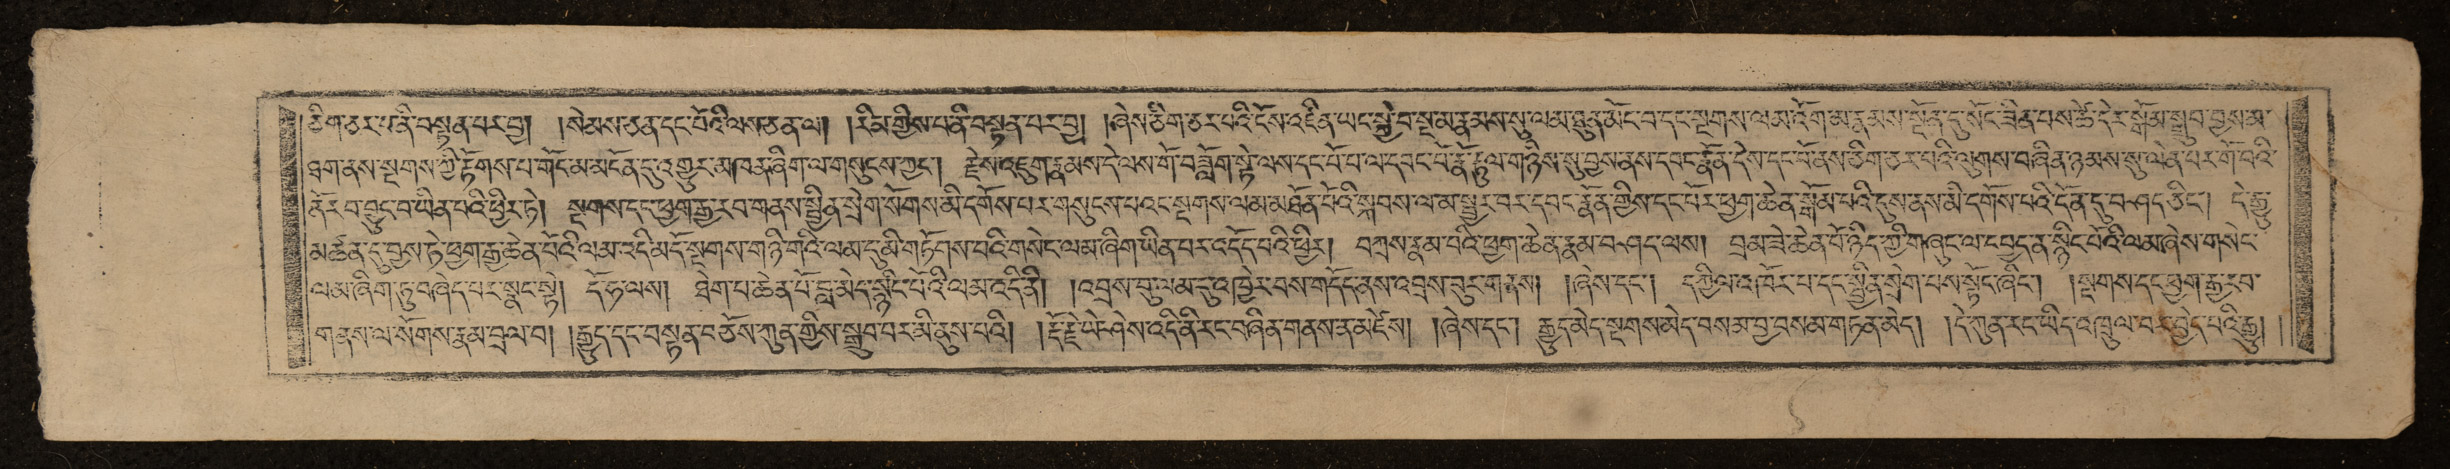ཅིག་ཅར་བ་ནི་བསྟན་པར་བྱ། །སེམས་ཅན་དང་པོའི་ལས་ཅན་ལ། །རིམ་གྱིས་པ་ནི་བསྟན་པར་བྱ། །ཞེས་ཅིག་ཅར་བའི་ངོས་འཛིན་ཡང་སྐྱེ་བ་སྔ་མ་རྣམས་སུ་ལ་མཐུན་མོང་བ་དང་སྔགས་ལམ་འོག་མ་རྣམས་སྔོན་དུ་སོང་ཟིན་པས་ཚེ་དེར་སྒོམ་སྒྲུབ་བྱས་མ་
ཐག་ནས་སྔགས་ཀྱི་རྟོགས་པ་གོང་མ་མངོན་དུ་འགྱུར་མཁན་ཞིག་ལ་གསུངས་ཀྱང་། རྗེས་འཇུག་རྣམས་དེ་ལས་གོ་བཟློག་སྟེ་ལས་དང་པོ་པ་ལ་དབང་བོ་རྣོ་རྟུལ་གཉིས་སུ་བྱས་ནས་དབང་རྣོན་དེས་དང་པོ་ནས་ཅིག་ཅར་བའི་ལུགས་བཞིན་ཉམས་སུ་ལེན་བར་གོ་བའི་
ནོར་པ་བྱུང་བ་ཡིན་པའི་ཕྱིར་ཏེ། སྔགས་དང་ཕྱག་རྒྱ་རབ་གནས་སྦྱིན་སྲེག་སོགས་མི་དགོས་པར་གསུངས་པའང་སྔགས་ལམ་མཐོན་པོའི་སྐབས་ལ་མ་སྦྱར་བར་དབང་རྣོན་གྱིས་དང་པོར་ཕྱག་ཆེན་སྒོམ་པའི་དུས་ནས་མི་དགོས་པའི་དོན་དུ་བཤད་ཅིང་། དེ་རྒྱུ་
མཚན་དུ་བྱས་ཏེ་ཕྱག་རྒྱ་ཆེན་པོའི་ལམ་འདི་མདོ་སྔགས་གཉི་གའི་ལམ་དུ་མི་གཏོགས་པའི་གསེང་ལམ་ཞིག་ཡིན་པར་འདོད་པའི་ཕྱིར། བཀྲས་རྣམ་པའི་ཕྱག་ཆེན་རྣམ་བཤད་ལས། བྲམ་ཟེ་ཆེན་པོ་ཉིད་ཀྱི་གཞུང་ལ་དཔྱད་ན་སྙིང་པོའི་ལམ་ཞེས་གསེང་
ལམ་ཞིག་ཏུ་བཞེད་པར་སྣང་སྟེ། དོ་ཧ་ལས། ཐེག་པ་ཆེན་པོ་བླ་མེད་སྙིང་པོའི་ལམ་འདི་ནི། །འབྲས་བུ་ལམ་དུ་འཁྱེར་བས་གདོད་ནས་འབྲས་བུར་གནས། །ཞེས་དང་། དཀྱིལ་འཁོར་བ་དང་སྦྱིན་སྲེག་པས་སྟོང་ཞིང་། །སྔགས་དང་ཕྱག་རྒྱ་རབ་
གནས་ལ་སོགས་རྣམ་བྲལ་བ། །རྒྱུད་དང་བསྟན་བཅོས་ཀུན་གྱིས་སྒྲུབ་བར་མི་ནུས་པའི། །རྡོ་རྗེ་ཡེ་ཤེས་འདི་ནི་རང་བཞིན་གནས་ན་མཛེས། །ཞེས་དང་། རྒྱུད་མེད་སྔགས་མེད་བསམ་བྱ་བསམ་གཏན་མེད། །དེ་ཀུན་རང་ཡིད་འཁྲུལ་བར་བྱེད་པའི་རྒྱུ། །